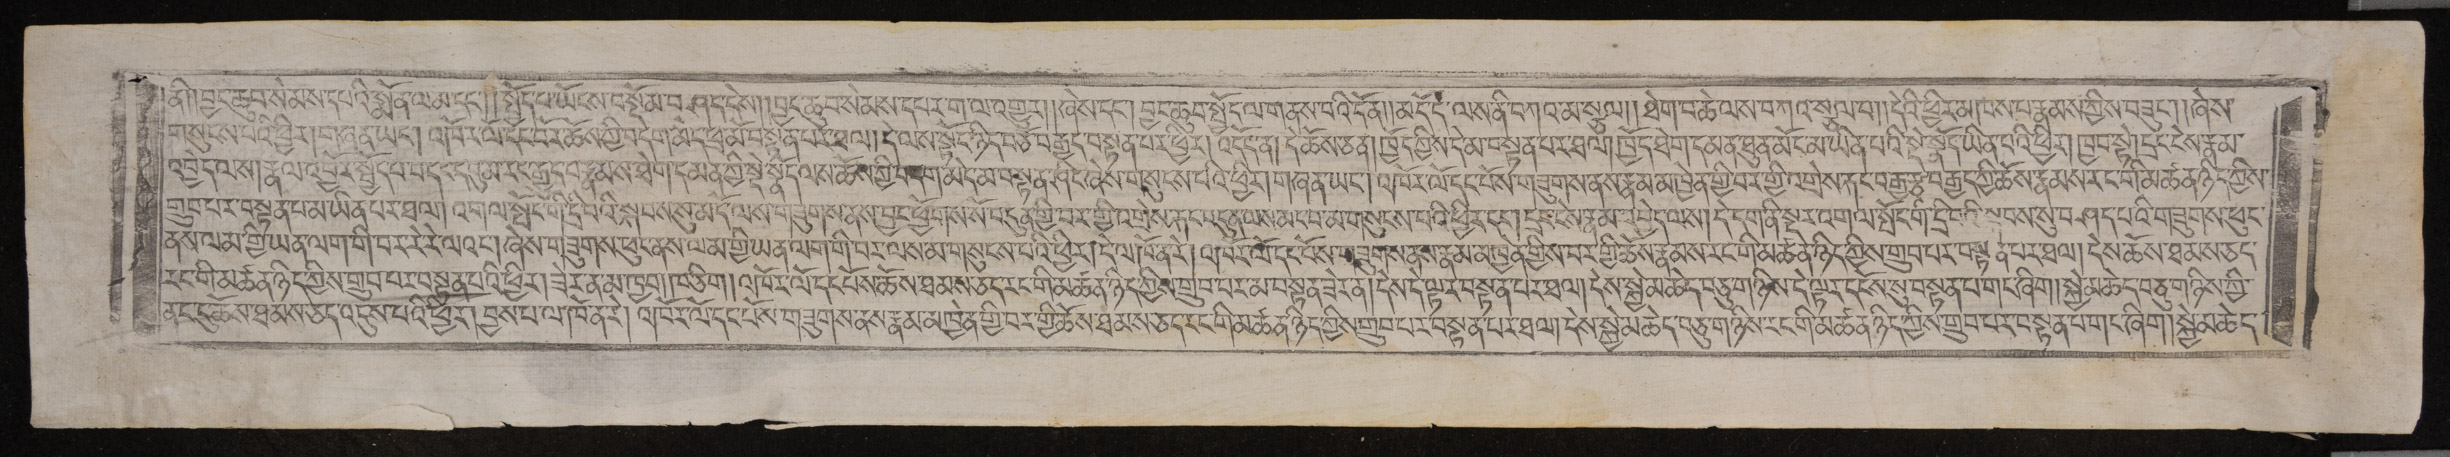ནི། །བྱང་ཆུབ་སེམས་དཔའི་སྨོན་ལམ་དང་། །སྤྱོད་པ་ཡོངས་བསྡོམ་བཤད་དེས། །བྱང་ཆུབ་སེམས་དཔར་ག་ལ་འགྱུར། །ཞེས་དང་། བྱང་ཆུབ་སྤྱོད་ལ་གནས་པའི་དོན། །མདོ་དེ་ལས་ནི་བཀའ་མ་སྩལ། །ཐེག་པ་ཆེ་ལས་བཀའ་སྩལ་པ། །དེའི་ཕྱིར་མཁས་པ་རྣམས་ཀྱིས་བཟུང་། །ཞེས་
གསུངས་པའི་ཕྱིར། གཞན་ཡང་། འཁོར་ལོ་དང་པོར་ཆོས་ཀྱི་བདག་མེད་ཕྲ་མོ་བསྟན་པར་ཐལ། དེ་ལས་སྟོང་ཉིད་བཅོ་བརྒྱད་བསྟན་པར་ཕྱིར། འདོད་ན། དེ་ཆོས་ཅན། ཁྱོད་ཀྱིས་དེ་མ་བསྟན་པར་ཐལ། ཁྱོད་ཐེག་དམན་ཐུན་མོང་མ་ཡིན་པའི་སྡེ་སྣོད་ཡིན་པའི་ཕྱིར། ཁྱབ་སྟེ། དྲང་ངེས་རྣམ་
འབྱེད་ལས། རྣལ་འབྱོར་སྤྱོད་པ་བ་དང་དབུ་མ་རང་རྒྱུད་པ་རྣམས་ཐེག་དམན་ཀྱི་སྡེ་སྣོད་ལས་ཆོས་ཀྱི་བདག་མེད་མ་བསྟན་ཤིང་ཞེས་གསུངས་པའི་ཕྱིར། གཞན་ཡང་། འཁོར་ལོ་དང་པོས་གཟུགས་ནས་རྣམ་མཁྱེན་གྱི་བར་གྱི་འགྲེས་རྐང་བརྒྱ་རྩ་བརྒྱད་ཀྱི་ཆོས་རྣམས་རང་གི་མཚན་ཉིད་ཀྱིས་
གྲུབ་པར་བསྟན་པ་མ་ཡིན་པར་ཐལ། འགལ་སྤོང་གི་དྲི་བའི་སྐབས་སུ་མདོ་ལས་གཟུགས་ནས་བྱང་ཕྱོགས་སོ་བདུན་གྱི་བར་གྱི་འགྲེས་རྐང་བདུན་ལས་མང་བ་མ་གསུངས་པའི་ཕྱིར་དང་། དྲང་ངེས་རྣམ་འབྱེད་ལས། དེ་དག་ནི་སྔར་འགལ་སྤོང་གི་དྲི་བའི་སྐབས་སུ་བཤད་པའི་གཟུགས་ཕུང་
ནས་ལམ་གྱི་ཡན་ལག་གི་པར་རེ་རེ་ལའང་། ཞེས་གཟུགས་ཕུང་ནས་ལམ་གྱི་ཡན་ལག་གི་བར་ལས་མ་གསུངས་པའི་ཕྱིར། དེ་ལ་ཁོ་ན་རེ། འཁོར་ལོ་དང་པོས་གཟུགས་ནས་རྣམ་མཁྱེན་གྱིས་བར་གྱི་ཆོས་རྣམས་རང་གི་མཚན་ཉིད་ཀྱིས་གྲུབ་པར་བསྟན་པར་ཐལ། དེས་ཆོས་ཐམས་ཅད་
རང་གི་མཚན་ཉིད་ཀྱིས་གྲུབ་པར་བསྟན་པའི་ཕྱིར། ཟེར་ན་མ་ཁྱབ། ཁ་ཅིག །འཁོར་ལོ་དང་པོས་ཆོས་ཐམས་ཅད་རང་གི་མཚན་ཉིད་ཀྱིས་གྲུབ་པར་མ་བསྟན་ཟེར་ན། དེས་དེ་ལྟར་བསྟན་པར་ཐལ། དེས་སྐྱེ་མཆེད་བཅུ་གཉིས་དེ་ལྟར་དངོས་སུ་བསྟན་པ་གང་ཞིག། སྐྱེ་མཆེད་བཅུ་གཉིས་ཀྱི་
ནང་དུ་ཆོས་ཐམས་ཅད་འདུས་པའི་ཕྱིར། བྱས་པ་ལ་ཁོ་ན་རེ། འཁོར་ལོ་དང་པོས་གཟུགས་ནས་རྣམ་མཁྱེན་གྱི་བར་གྱི་ཆོས་ཐམས་ཅད་རང་གི་མཚན་ཉིད་ཀྱིས་གྲུབ་པར་བསྟན་པར་ཐལ། དེས་སྐྱེ་མཆེད་བཅུ་གཉིས་རང་གི་མཚན་ཉིད་ཀྱིས་གྲུབ་པར་བསྟན་པ་གང་ཞིག། སྐྱེ་མཆེད་